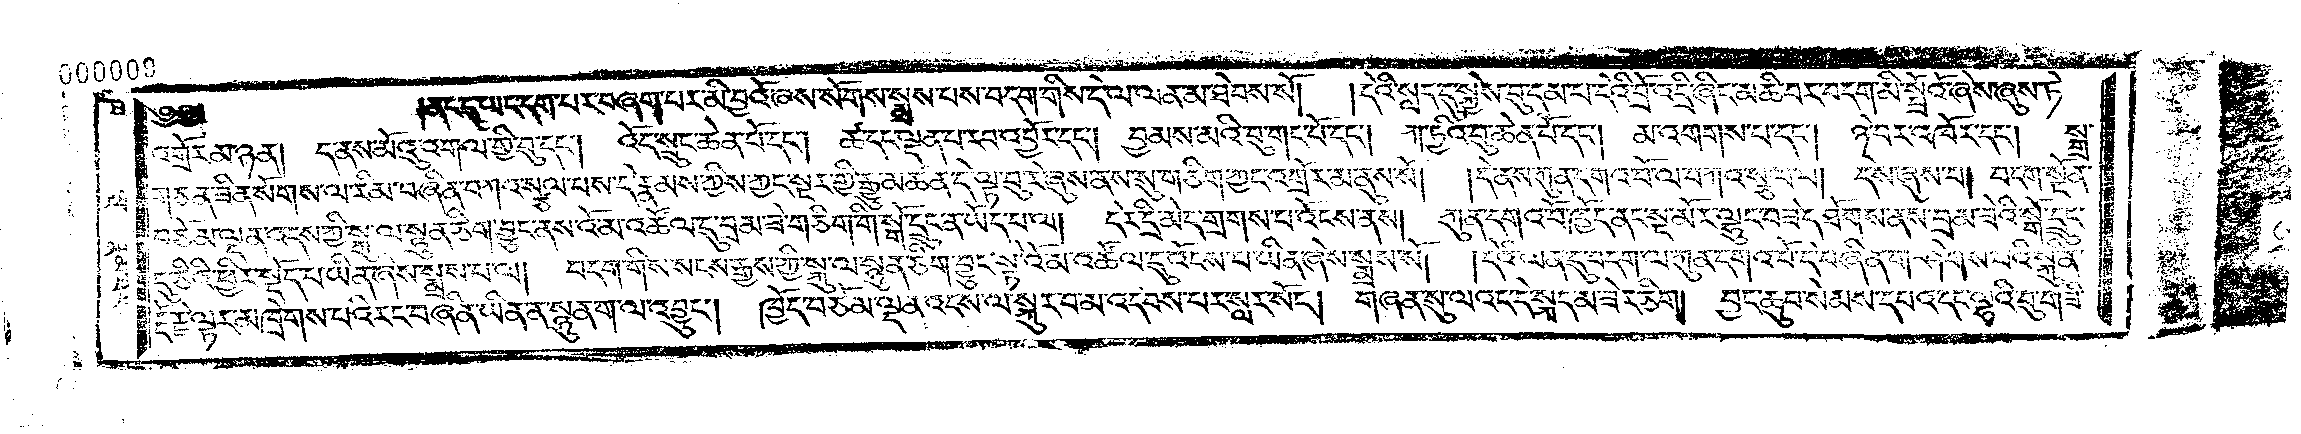༄༅། །ནང་དུ་ཡང་དག་པར་བཞག་པར་མི་བྱའོ་ཞེས་སོགས་སྨྲས་པས་བདག་གིས་དེ་ལ་ལན་མ་ཐེབས་སོ། །དེའི་སླད་དུ་སྐྱེས་བུ་དམ་པ་དེའི་བྲོ་འདྲི་ཞིང་མཆི་བར་བདག་མི་སྤྲོའོ་ཞེས་ཞུས་ཏེ་
འགྲོར་མ་ཉན། དེ་ནས་མོའུ་འགལ་གྱི་བུ་དང་། འོད་སྲུང་ཆེན་པོ་དང་། ཚེ་དང་ལྡན་པ་རབ་འབྱོར་དང་། བྱམས་མའི་བུ་གང་པོ་དང་། ཀ་ཏྱའི་བུ་ཆེན་པོ་དང་། མ་འགགས་པ་དང་། ཉེ་བར་འཁོར་དང་། སྒྲ་
གཅན་ཟིན་སོགས་ལ་རིམ་བཞིན་བཀའ་སྩལ་པས་དེ་རྣམས་ཀྱིས་ཀྱང་སྔར་གྱི་རྒྱུ་མཚན་དེ་ལྟ་བུ་རེ་ཞུས་ནས་སུ་གཅིག་ཀྱང་འགྲོར་མ་ནུས་སོ། །དེ་ནས་ཀུན་དགའ་བོ་ལ་བཀའ་སྩལ་པ། དེས་ཞུས་པ། བདག་སྔོན་
བཅོམ་ལྡན་འདས་ཀྱི་སྐུ་ལ་སྙུན་ཅིག་བྱུང་ནས་འོ་མ་འཚོལ་དུ་བྲམ་ཟེ་གཅིག་གི་སྒོ་དྲུང་ན་ཡོད་པ་ལ། དེར་དྲི་མེད་གྲགས་པ་འོངས་ནས། ཀུན་དགའ་བོ་ཁྱོད་ནང་སྔ་མོར་ལྷུང་བཟེད་ཐོགས་ནས་བྲམ་ཟེའི་སྒོ་དྲུང་
དུ་ཅིའི་ཕྱིར་སྡོད་པ་ཡིན་ཞེས་སྨྲས་པ་ལ། བདག་གིས་སངས་རྒྱས་ཀྱི་སྐུ་ལ་སྙུན་ཅིག་བྱུང་སྟེ་འོ་མ་འཚོལ་དུ་འོངས་པ་ཡིན་ཞེས་སྨྲས་སོ། །དེའི་ལན་དུ་བདག་ལ་ཀུན་དགའ་བོ་དེ་བཞིན་གཤེགས་པའི་སྐུ་ནི་
རྡོ་རྗེ་ལྟར་མཁྲེགས་པའི་རང་བཞིན་ཡིན་ན་སྙུན་ག་ལ་འབྱུང་། ཁྱོད་བཅོམ་ལྡན་འདས་ལ་སྐུར་བ་མ་འདབས་པར་སླར་སོང་། གཞན་སུ་ལའང་དེ་སྐད་མ་ཟེར་ཅིག། བྱང་ཆུབ་སེམས་དཔའ་དང་ལྷའི་བུ་གཟི་